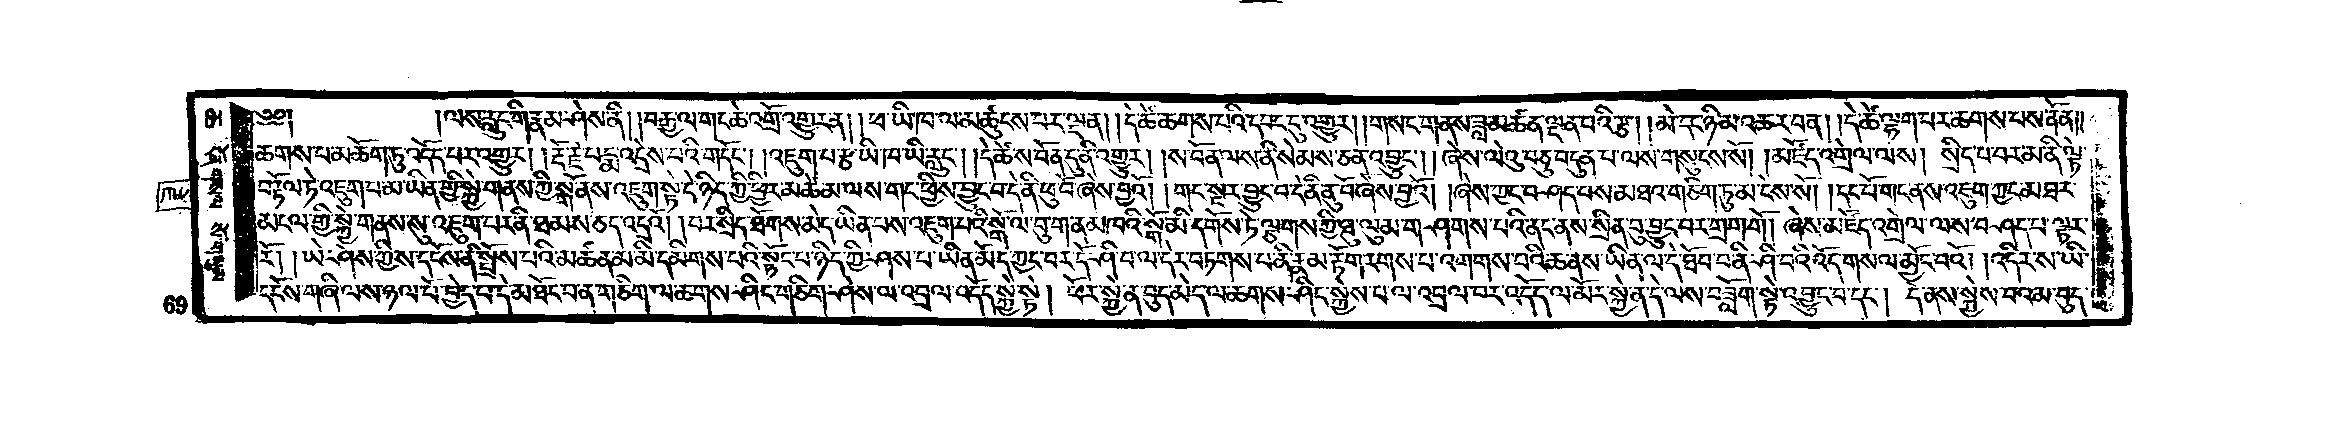༄༅། །ལས་རླུང་གི་རྣམ་ཤེས་ནི། །བརྒྱ་ལ་གང་ཆེ་འགྲོ་འགྱུར་ན། །ཕ་ཡི་ཁ་ལ་མཚུངས་པར་ལྡན། །དེ་ཚེ་ཆགས་པའི་དབང་དུ་འགྱུར། །གསང་གནས་ཟླ་མཚན་ལྡན་པའི་རྩ། །མེ་དང་ཉི་མ་འཆར་བ་ན། །དེ་ཚེ་ལྷག་པར་ཆགས་པས་ནོན། །
ཆགས་པ་མཆོག་ཏུ་འདོད་པར་འགྱུར། །རྡོ་རྗེ་པདམ་འདྲེས་པའི་གདོང་། །འཇུག་པ་རྩ་ཡི་ཁ་ཡི་རླུང་། །དེ་ཚེ་ས་བོན་དུ་ནི་འགྱུར། །ས་བོན་ལས་ནི་སེམས་ཅན་འབྱུང་། །ཞེས་ལེའུ་བཅུ་བདུན་པ་ལས་གསུངས་སོ། །མཛོད་འགྲེལ་ལས། སྲིད་པ་བར་མ་ནི་ལྟོ་
བརྟོལ་ཏེ་འཇུག་པ་མ་ཡིན་གྱི་སྐྱེ་གནས་ཀྱི་སྒོ་ནས་འཇུག་སྟེ་དེ་ཉིད་ཀྱི་ཕྱིར་མཚེ་མ་ལས་གང་ཕྱིས་བྱུང་བ་དེ་ནི་ཕུ་བོ་ཞེས་བྱའོ། །གང་སྔར་བྱུང་བ་དེ་ནི་ནུ་བོ་ཞེས་བྱའོ། །ཞེས་ཀྱང་བཤད་པས་མཐའ་གཅིག་ཏུ་མ་ངེས་སོ། །དང་པོ་གང་ནས་འཇུག་ཀྱང་མཐར་
མངལ་གྱི་སྐྱེ་གནས་སུ་འཇུག་པར་ནི་ཐམས་ཅད་འདྲའོ། །བར་སྲིད་ཐོགས་མེད་ཡིན་པས་འཇུག་པའི་སྒོ་ལ་བུ་ག་ནམ་མཁའི་སྒོ་མི་དགོས་ཏེ་ལྕགས་ཀྱི་ཐུ་ལུམ་གཤེགས་པའི་ནང་ནས་སྲིན་བུ་བྱུང་བར་གྲག་གོ །ཞེས་མཛོད་འགྲེལ་ལས་བཤད་པ་ལྟར་
རོ། །ཡེ་ཤེས་ཀྱི་ས་དངོས་ནི་སྤྲོས་པའི་མཚན་མ་མི་དམིགས་པའི་སྟོང་པ་ཉིད་ཀྱི་ཤེས་པ་ཡིན་མོད་ཀྱང་བར་དོ་ཤི་བ་ལ་དེར་བཏགས་པ་ནི་རྣམ་རྟོག་རགས་པ་འགགས་པའི་ཆ་ནས་ཡིན་ལ་དེ་ཐོབ་པ་ནི་ཤི་བའི་འོད་གསལ་མྱོང་བའོ། །འདིར་ས་ཡི་
དངོས་གཞི་ལས་ཉལ་པོ་བྱེད་པ་དེ་མཐོང་བ་ན་གཅིག་ལ་ཆགས་ཤིང་གཅིག་ཤོས་ལ་འབྲལ་འདོད་སྐྱེ་སྟེ། ཕོར་སྐྱེ་ན་བུད་མེད་ལ་ཆགས་ཤིང་སྐྱེས་པ་ལ་འབྲལ་བར་འདོད་ལ་མོར་སྐྱེ་ན་དེ་ལས་བཟློག་སྟེ་འབྱུང་བ་དང་། དེ་ནས་སྐྱེས་པའམ་བུད་